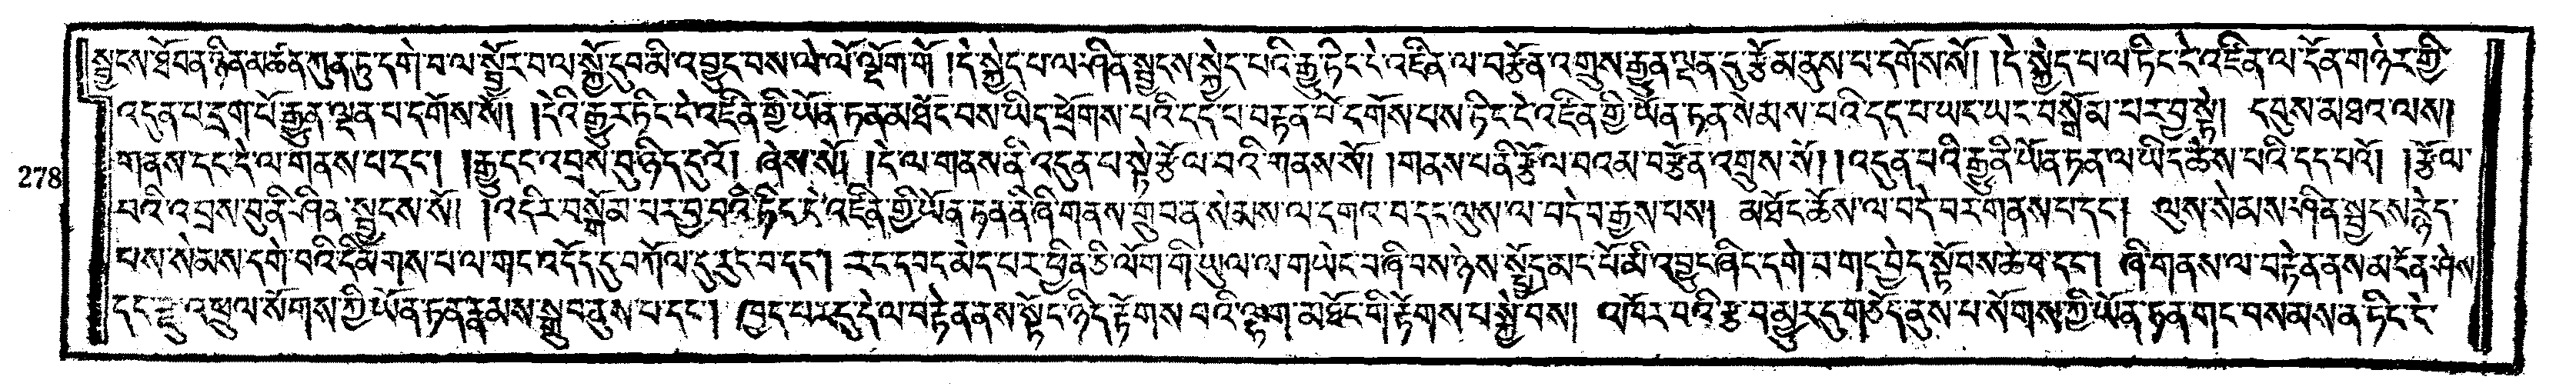སྦྱངས་ཐོབ་ན་ཉིན་མཚན་ཀུན་ཏུ་དགེ་བ་ལ་སྦྱོར་བ་ལ་སྐྱོ་དུབ་མི་འབྱུང་བས་ལེ་ལོ་ལྡོག་གོ །དེ་སྐྱེད་པ་ལ་ཤིན་སྦྱངས་སྐྱེད་པའི་རྒྱུ་ཏིང་ངེ་འཛིན་ལ་བརྩོན་འགྲུས་རྒྱུན་ལྡན་དུ་རྩོམ་ནུས་པ་དགོས་སོ། །དེ་སྐྱེད་པ་ལ་ཏིང་ངེ་འཛིན་ལ་དོན་གཉེར་གྱི་
འདུན་པ་དྲག་པོ་རྒྱུན་ལྡན་པ་དགོས་སོ། །དེའི་རྒྱུར་ཏིང་ངེ་འཛིན་གྱི་ཡོན་ཏན་མཐོང་བས་ཡིད་ཕྲོགས་པའི་དད་པ་བརྟན་པོ་དགོས་པས་ཏིང་ངེ་འཛིན་གྱི་ཡོན་ཏན་སེམས་པའི་དད་པ་ཡང་ཡང་བསྒོམ་པར་བྱ་སྟེ། དབུས་མཐའ་ལས།
གནས་དང་དེ་ལ་གནས་པ་དང་།རྒྱུ་དང་འབྲས་བུ་ཉིད་དུའོ། ཞེས་སོ། །དེ་ལ་གནས་ནི་འདུན་པ་སྟེ་རྩོལ་བའི་གནས་སོ། །གནས་པ་ནི་རྩོལ་བའམ་བརྩོན་འགྲུས་སོ། །འདུན་པའི་རྒྱུ་ནི་ཡོན་ཏན་ལ་ཡིད་ཆེས་པའི་དད་པའོ། །རྩོལ་
པའི་འབྲས་བུ་ནི་ཤིན་སྦྱངས་སོ། །འདིར་བསྒོམ་པར་བྱ་བའི་ཏིང་ངེ་འཛིན་གྱི་ཡོན་ཏན་ནི་ཞི་གནས་གྲུབ་ན་སེམས་ལ་དགའ་བ་དང་ལུས་ལ་བདེ་བ་རྒྱས་པས། མཐོང་ཆོས་ལ་བདེ་བར་གནས་པ་དང་། ལུས་སེམས་ཤིན་སྦྱངས་རྙེད་
པས་སེམས་དགེ་བའི་དམིགས་པ་ལ་གང་འདོད་དུ་བཀོལ་དུ་རུང་བ་དང་། རང་དབང་མེད་པར་ཕྱིན་ཅི་ལོག་གི་ཡུལ་ལ་གཡེང་བཞི་པས་ཉེས་སྤྱོད་མང་པོ་མི་འབྱུང་ཞིང་དགེ་བ་གང་བྱེད་སྟོབས་ཆེ་བ་དང་། ཞི་གནས་ལ་བརྟེན་ནས་མངོན་ཤེས་
དང་རྫུ་འཕྲུལ་སོགས་ཀྱི་ཡོན་ཏན་རྣམས་སྒྲུབ་ནུས་པ་དང་། ཁྱད་པར་དུ་དེ་ལ་བརྟེན་ནས་སྟོང་ཉིད་རྟོགས་པའི་ལྷག་མཐོང་གི་རྟོགས་པ་སྐྱེ་བས། འཁོར་བའི་རྩ་བ་མྱུར་དུ་གཅོད་ནུས་པ་སོགས་ཀྱི་ཡོན་ཏན་གང་བསམས་ན་ཏིང་ངེ་